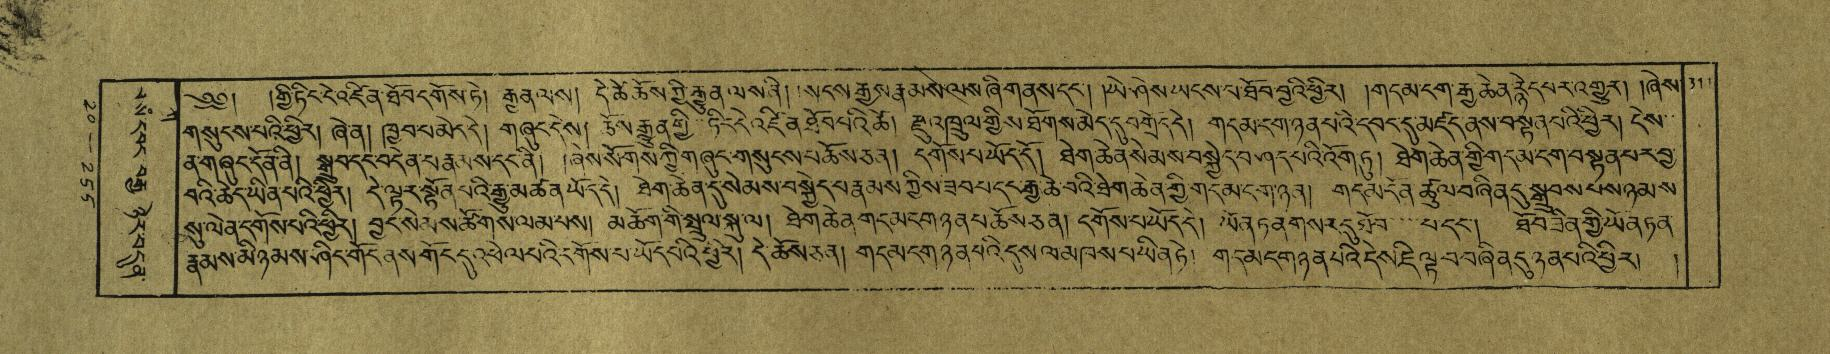༄༅། །གྱི་ཏིང་ངེ་འཛིན་ཐོབ་དགོས་ཏེ། རྒྱན་ལས། དེ་ཚེ་ཆོས་ཀྱི་རྒྱུན་ལས་ནི། །སངས་རྒྱས་རྣམས་ལས་ཞི་གནས་དང་། །ཡེ་ཤེས་ཡངས་པ་ཐོབ་བྱའི་ཕྱིར། །གདམ་ངག་རྒྱ་ཆེན་རྙེད་པར་འགྱུར། །ཞེས་
གསུངས་པའི་ཕྱིར། ཞེ་ན། ཁྱབ་པ་མེད་དེ། གཞུང་དེས། ཆོས་རྒྱུན་གྱི་ཏིང་ངེ་འཛིན་ཐོབ་པའི་ཚེ། རྫུ་འཁྲུལ་གྱིས་ཐོགས་མེད་དུ་བགྲོད་དེ། གདམ་ངག་ཉན་པའི་དབང་དུ་མཛད་ནས་བསྟན་པའི་ཕྱིར། དེས་
ན་གཞུང་དོན་ནི། སྒྲུབ་དང་བདེན་པ་རྣམས་དང་ནི། །ཞེས་སོགས་ཀྱི་གཞུང་གསུངས་པ་ཆོས་ཅན། དགོས་པ་ཡོད་དོ། ཐེག་ཆེན་སེམས་བསྐྱེད་བཤད་པའི་འོག་ཏུ། ཐེག་ཆེན་གྱི་གདམ་ངག་བསྟན་པར་བྱ་
བའི་ཆེད་ཡིན་པའི་ཕྱིར། དེ་ལྟར་སྟོན་པའི་རྒྱུ་མཚན་ཡོད་དེ། ཐེག་ཆེན་དུ་སེམས་བསྐྱེད་པ་རྣམས་ཀྱིས་ཟབ་པ་དང་རྒྱ་ཆེ་བའི་ཐེག་ཆེན་གྱི་གདམ་ངག་ཉན། གདམ་དོན་ཚུལ་བཞིན་དུ་སྒྲུབས་པས་ཉམས་
སུ་ལེན་དགོས་པའི་ཕྱིར། བྱང་སེམས་ཚོགས་ལམ་པས། མཆོག་གི་སྤྲུལ་སྐུ་ལ། ཐེག་ཆེན་གདམ་ངག་ཉན་པ་ཆོས་ཅན། དགོས་པ་ཡོད་དེ། ཡོན་ཏན་གསར་དུ་ཐོབ་པ་དང་། ཐོབ་ཟིན་གྱི་ཡོན་ཏན་
རྣམས་མི་ཉམས་ཤིང་གོང་ནས་གོང་དུ་འཕེལ་པའི་དགོས་པ་ཡོད་པའི་ཕྱིར། དེ་ཆོས་ཅན། གདམ་ངག་ཉན་པའི་དུས་ལ་མཁས་པ་ཡིན་ཏེ། གདམ་ངག་ཉན་པའི་དུས་ཇི་ལྟ་བ་བཞིན་དུ་ཉན་པའི་ཕྱིར། །